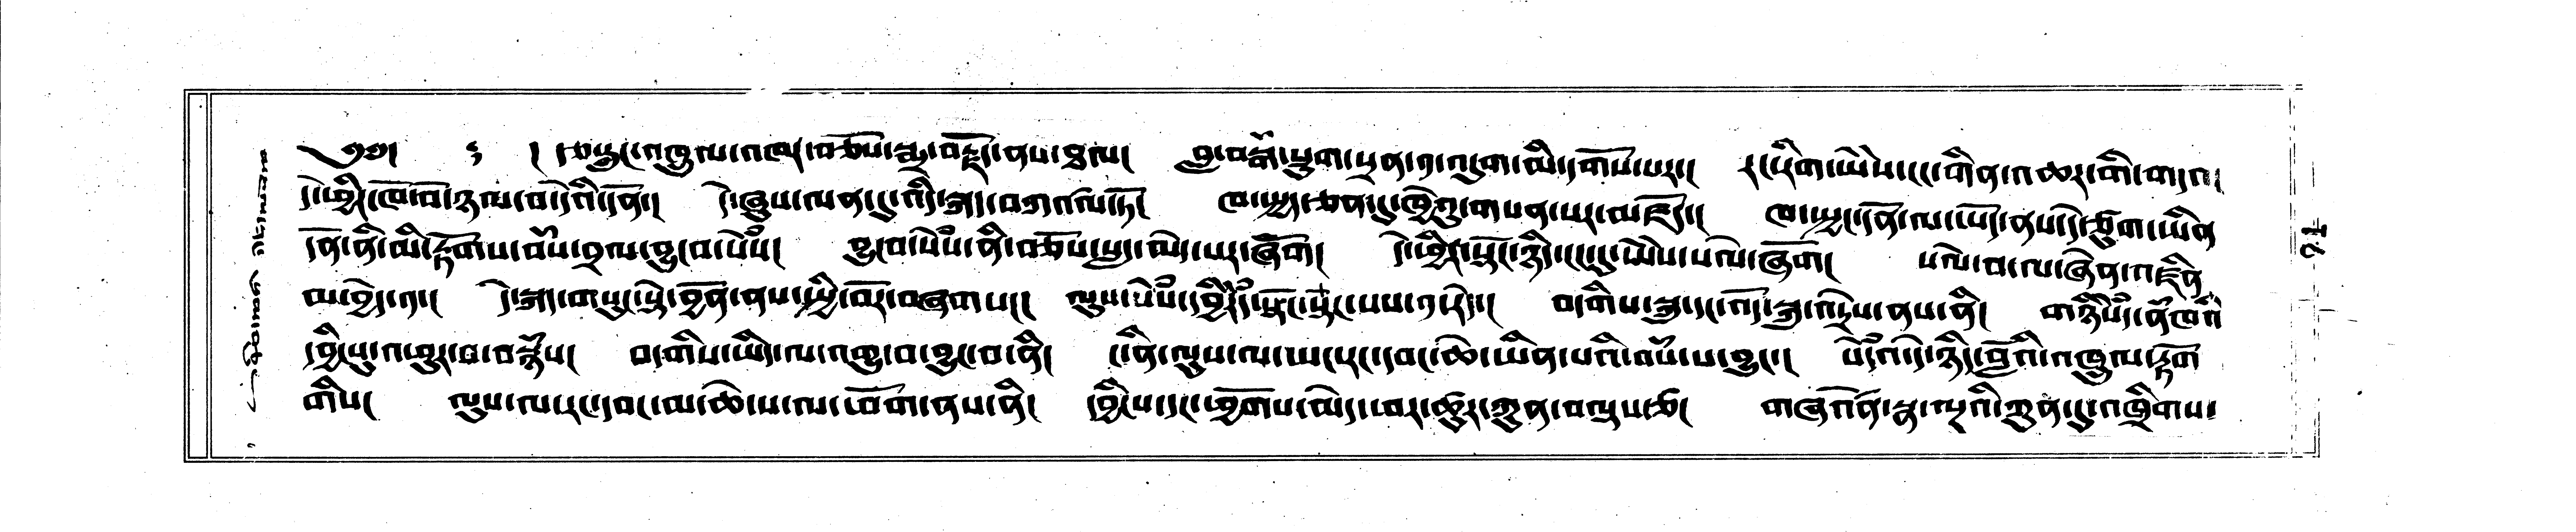རྩ་རླུང་འཁྲུལ་འཁོར་བཅོས་སྨྲ་བརྗོད་ནས་ཐལ། བླ་༼བློ༽བསྒོམ་སྡུག་སྲན་གཅིག་འདུག་མི་དགོས་པར། རང་རིག་ཡེ་ཤེས་ངང་གིན་འཆར་གི་གདའ། 
དེ་ཕྱིར་ཁོ་བོ་ཉལ་བ་དེའི་དོན། དེ་ཞུས་ལན་དུ་འདི་སྐད་བཀའ་སྩལ་ཏོ། ཁ་སྤྱད་ཅན་དུ་ཁྱེའུ་གསན་པར་མཛོད། ཁ་སྤྱད་དོན་ལ་ཡོད་ནས་དེ་ཙུག་ཡིན། 
དོན་ནི་མི་རྟོགས་བསམ་བྲལ་བྱང་ཆུབ་སེམས། བྱང་ཆུབ་སེམས་ནི་བཅོས་སླད་མེད་པར་ཞོག དེ་ཕྱིར་སྟོང་ཉིད་ངང་དུ་ཡེ་ཤེས་སལེ་ཞོག སལེ་བ་ལ་ཞེན་འཛིན་
མ་བྱེད་ཅིག དེ་སྐད་གསུང་སྟེ་བྱོན་ནས་སྤྱི་བོར་བཞག ལུས་སེམས་དབྱེར་མེད་སྟོང་སྟོང་པས་གཅིག་རེད། བདག་གིས་སྐུ་དང་འོད་སྐུ་འདྲེས་ནས་ནི། གཉིས་མེད་ནམ་མཁའི་
དབྱིངས་སུ་འཕུར་བ་བསྙམས། བདག་གིས་ཡིད་ལ་འགྱུ་བ་བྱུང་བ་ནི། ང་ནི་ལུས་ལ་ཡང་རང་དབང་ཆེ་ཡིན་པའི་བསམ་པ་བྱུང་། སེམས་དཔའ་དེ་ཉིད་བློའི་འཁྲུལ་རྟོག་
གིས། ལུས་ལ་རང་དབང་མ་ཆེ་ས་ལ་ཕོག་ནས་ནི། དབྱིངས་དང་ཕྱོགས་མེད་ཕར་ཚུར་ཀུན་བལྟས་ཙ། གཞའ་ཚོན་སྣ་ལྔའི་ཀུན་དུ་འཁྲིགས་